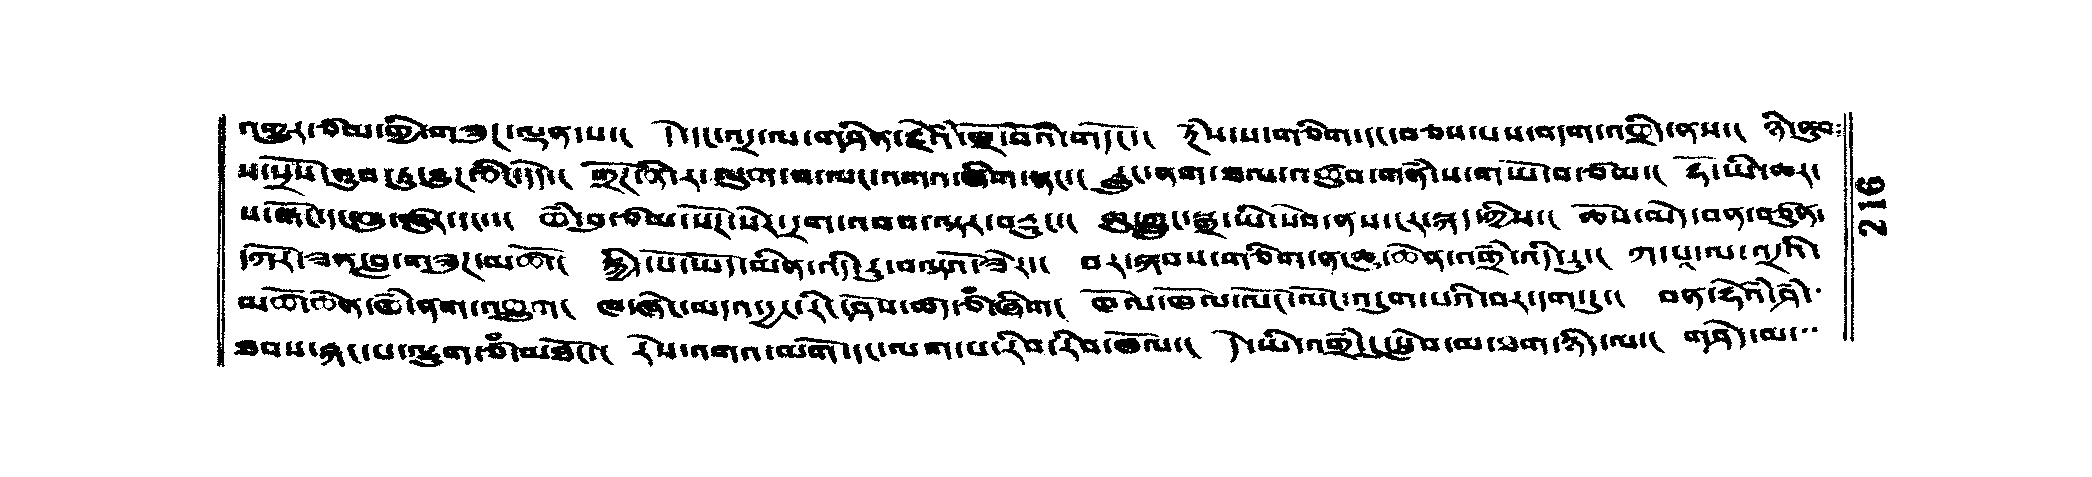འགྱུར་ཙམ་གྱི་གཟུགས་ལྡན་པ། །དེ་དང་འདྲ་ལ་གཤིན་རྗེའམ་ཁྲོ་བོའི་གདོང་། །རྔམས་པ་གཅིག་དང་བཅས་པས་བདག་འཁྲིད་ནས། །ཉི་ནུབ་
ས་སྲོས་ནུབ་ཏུ་རྒྱུགས་ཅིང་དེད། །གྲོགས་ནི་ར་ལུག་བ་ལང་འགའ་ཞིག་སྣང་། །རླུང་ནག་ཐལ་འཚུབ་གནམ་ས་གཡོ་བ་ཙམ། །རྡོ་ཡི་ཆར་
པ་སྒོང་དང་ཁུ་ཚུར་དང་། །ཁམ་བུ་ཙམ་སོགས་སེར་དྲག་འབབ་ལྟར་བརྡུང་། །ཆུ་གླུང་སྒྲ་ཡི་སེབ་ནས་ངར་སྐད་ཀྱིས། །ཆོས་མེད་བན་བཙུན་
དཀོར་ཟན་བླ་གཟུགས་ཚོ། །སྐྱིད་པོ་ཡོད་མིན་འདི་རུ་བལྟའོ་ཟེར། །བར་སྐབས་གཅིག་ན་ཆུ་ཆེན་འགྲམ་འདི་རུ། །ཀ་པཱ་ལ་འདྲའི་
མཚོ་ཆེན་ཁམ་ནག་འཁྲུག།ཁ་ཞེང་མདའ་རྒྱང་རིང་ཤོས་ཚད་ཙམ་ཞིག །ཁོལ་ཁོལ་ལོང་ལོང་འདུག་པའི་བར་དག་དུ། །བན་དེའམ་ཤམ་
ཐབས་རྐང་པ་ལྷུག་ཙམ་མཐོང་། །རེས་འགའ་མགོ་དང་ལ་པ་རིབ་རིབ་ཁོལ། །དེ་ཡི་འགྲམ་དུ་སླེབ་མ་ཐག་ཉིད་ལ། །གཤེད་མ་